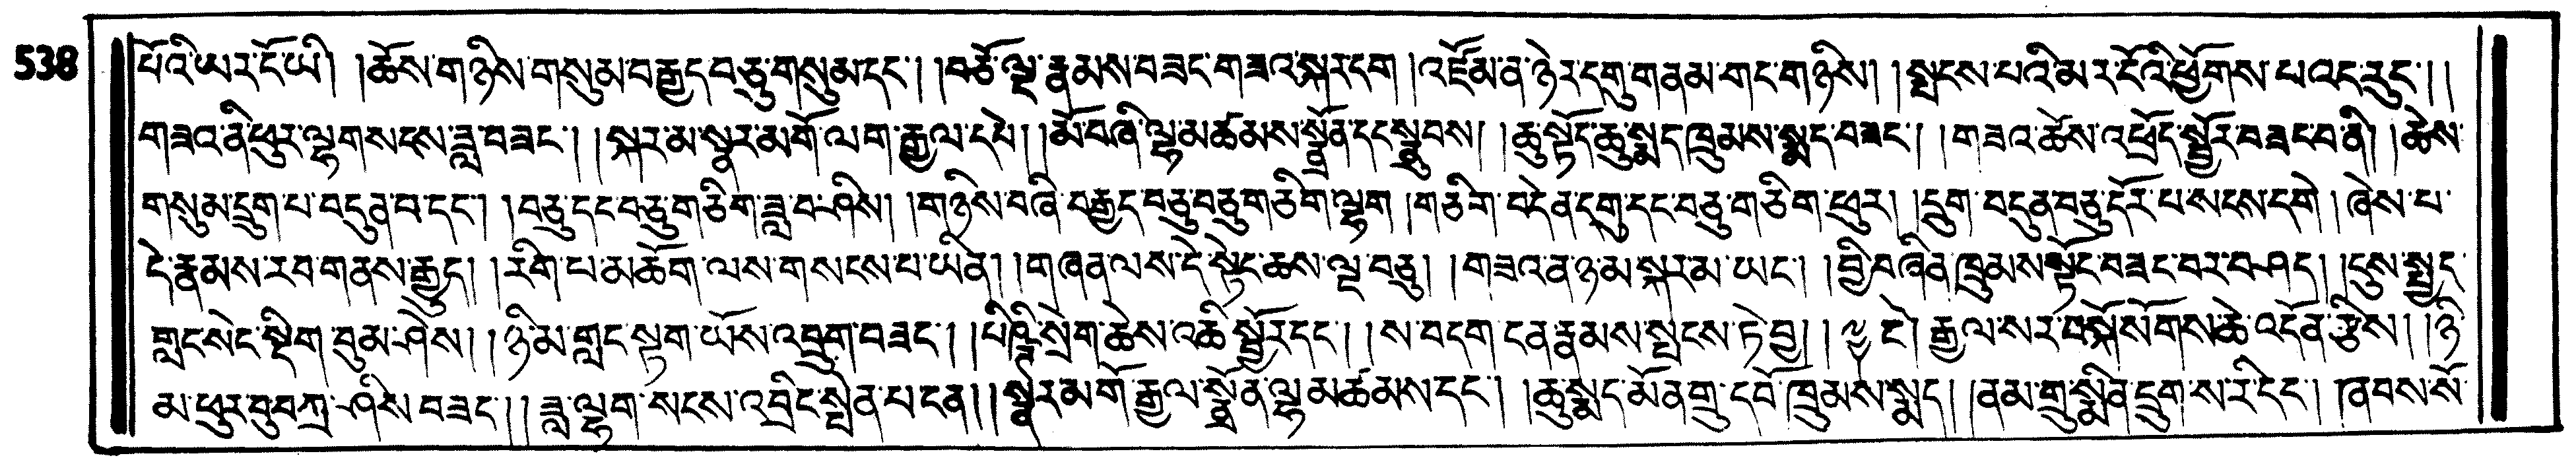པོའི་ཡར་ངོ་ཡི། །ཆོས་གཉིས་གསུམ་བརྒྱད་བཅུ་གསུམ་དང་། །བཅོ་ལྔ་རྣམས་བཟང་གཟའ་སྐར་ངག །འཛོམ་ན་ཉེར་དགུ་གནམ་གང་གཉིས། །སྤངས་པའི་མར་ངོའི་ཕྱོགས་པའང་རུང་། །
གཟའ་ནི་ཕུར་ལྷག་སངས་ཟླ་བཟང་། །སྐར་མ་སྣར་མགོ་ལག་རྒྱལ་དཔེ། །མོ་བཞི་ལྷ་མཚམས་སྣྲོན་དང་སྣུབས། །ཆུ་སྟོད་ཆུ་སྨད་ཁྲུམས་སྨད་བཟང་། །གཟའ་ཚེས་འཕྲོད་སྦྱོར་བཟང་བ་ནི། །ཚེས་
གསུམ་དྲུག་པ་བདུན་པ་དང་། །བཅུ་དང་བཅུ་གཅིག་ཟླ་བ་ཤིས། །གཉིས་བཞི་བརྒྱད་བཅུ་བཅུ་གཅིག་ལྷག །གཅིག་བདེན་དགུ་དང་བཅུ་གཅིག་ཕུར། །དྲུག་བདུན་བཅུ་དོར་པ་སངས་དགེ། ཞེས་པ་
དེ་རྣམས་རབ་གནས་རྒྱུད། །རིག་པ་མཆོག་ལས་གསངས་པ་ཡིན། །གཞན་ལས་དེ་སྟེང་ཆས་ལྔ་བཅུ། །གཟའ་ན་ཉ་མ་སྐར་མ་ཡང་། །བྱི་བཞིན་ཁྲུམས་སྟོང་བཟང་བར་བཤད། །དུས་སྤྱད་
གླང་སེར་སྡིག་བུམ་ཤེས། །ཉི་མ་གླང་སྟག་ཡོས་འབྲུག་བཟང་། །པིཥྚི་སྲེག་ཆེས་འཆི་སྦྱོར་དང་། །ས་བདག་ངན་རྣམས་སྤངས་ཏེ་བྱ། ། འ་ང་རྒྱལ་སར་བསྐོ་སོགས་ཆེ་འདོན་རྩིས། །ཉི་
མ་ཕུར་བུ་བཀྲ་ཤིས་བཟང་། །ཟླ་ལྷག་སངས་འབྲིང་སྤེན་པ་ངན། །སྣར་མགོ་རྒྱལ་སྣྲོན་ལྷ་མཚམས་དང་། །ཆུ་སྨད་མོན་གྲུ་དབོ་ཁྲུམས་སྨད། །ནམ་གྲུ་སྨིན་དྲུག་ས་རི་དང་། །ཞབས་སོ་